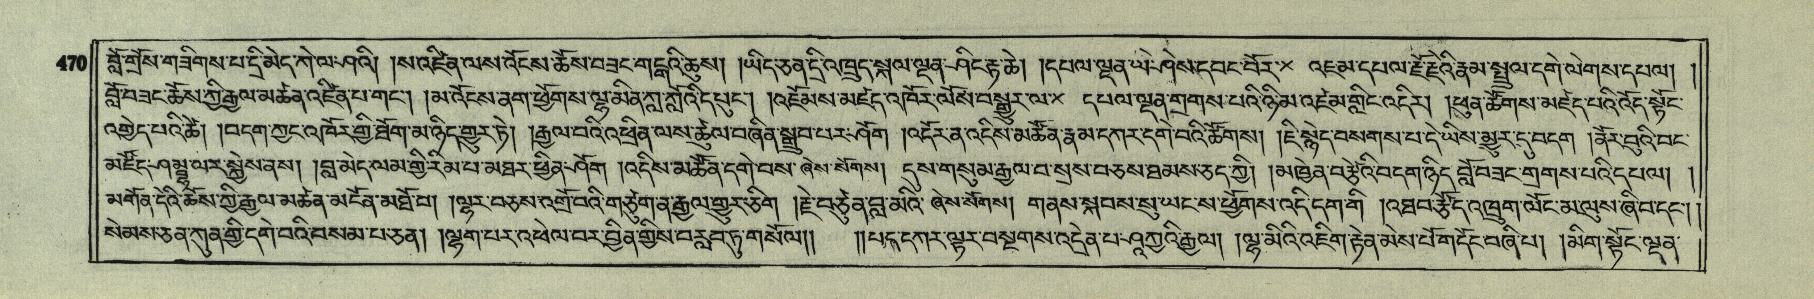བློ་གྲོས་གཟིགས་པ་དྲི་མེད་ཀེ་ལ་ཤའི། །ས་འཛིན་ལས་འོངས་ཆོས་བཟང་གངྒའི་ཆུས། །ཡིད་ཅན་དྲི་འཁྲུད་སྐལ་ལྡན་ཤིང་རྟ་ཆེ། །དཔལ་ལྡན་ཡི་ཤེས་དབང་བོར་྾་འཇམ་དཔལ་རྗོ་རྗེའི་རྣམ་སྤྲུལ་དགེ་ལེགས་དཔལ། །
བློ་བཟང་ཆོས་ཀྱི་རྒྱལ་མཚན་འཛིན་པ་གང་། །མ་འོངས་ནག་ཕྱོགས་ལྷ་མིན་ཀླ་ཀློའི་དཔུང་། །འཇོམས་མཛད་འཁོར་ལོས་བསྒྱུར་ལ་྾་དཔལ་ལྡན་གྲགས་པའི་ཉི་མ་འཛམ་གླིང་འདིར། །ཕུན་ཚོགས་མཛད་པའི་འོད་སྟོང་
འགྱེད་པའི་ཚེ། །བདག་ཀྱང་འཁོར་གྱི་ཐོག་མ་ཉིད་གྱུར་ཏེ། །རྒྱལ་བའི་འཕྲིན་ལས་ཚུལ་བཞིན་སྒྲུབ་པར་ཤོག །འདོར་ན་འདིས་མཚོན་རྣམ་དཀར་དགེ་བའི་ཚོགས། །ཇི་སྙེད་བསགས་པ་དེ་ཡིས་མྱུར་དུ་བདག །ནོར་བུའི་བང་
མཛོད་ཤམྦྷ་ལར་སྐྱེས་ནས། །བླ་མེད་ལམ་གྱི་རིམ་པ་མཐར་ཕྱིན་ཤོག །འདིས་མཚོན་དགེ་བས་ཞེས་སོགས། དུས་གསུམ་རྒྱལ་བ་སྲས་བཅས་ཐམས་ཅད་ཀྱི། །མཁྱེན་བརྩེའི་བདག་ཉིད་བློ་བཟང་གྲགས་པའི་དཔལ། །
མགོན་དེའི་ཆོས་ཀྱི་རྒྱལ་མཚན་མངོན་མཐོ་བ། །ལྷར་བཅས་འགྲོ་བའི་གཙུག་ན་རྒྱལ་གྱུར་ཅིག །རྗེ་བཙུན་བླ་མའི་ཞེས་སོགས། གནས་སྐབས་སུ་ཡང་ས་ཕྱོགས་འདི་དག་གི །འཐབ་རྩོད་འཁྲུག་ལོང་མ་ལུས་ཞི་བ་དང་། །
སེམས་ཅན་ཀུན་གྱི་དགེ་བའི་བསམ་པ་ཅན། །ལྷག་པར་འཕེལ་བར་བྱིན་གྱིས་བརླབ་ཏུ་གསོལ།། །།པད་དཀར་ལྟར་བསྔགས་འདྲེན་པ་ཤཱཀྱའི་རྒྱལ། །ལྷ་མིའི་འཇིག་རྟེན་མེས་པོ་གདོང་བཞི་པ། །མིག་སྟོང་ལྡན་